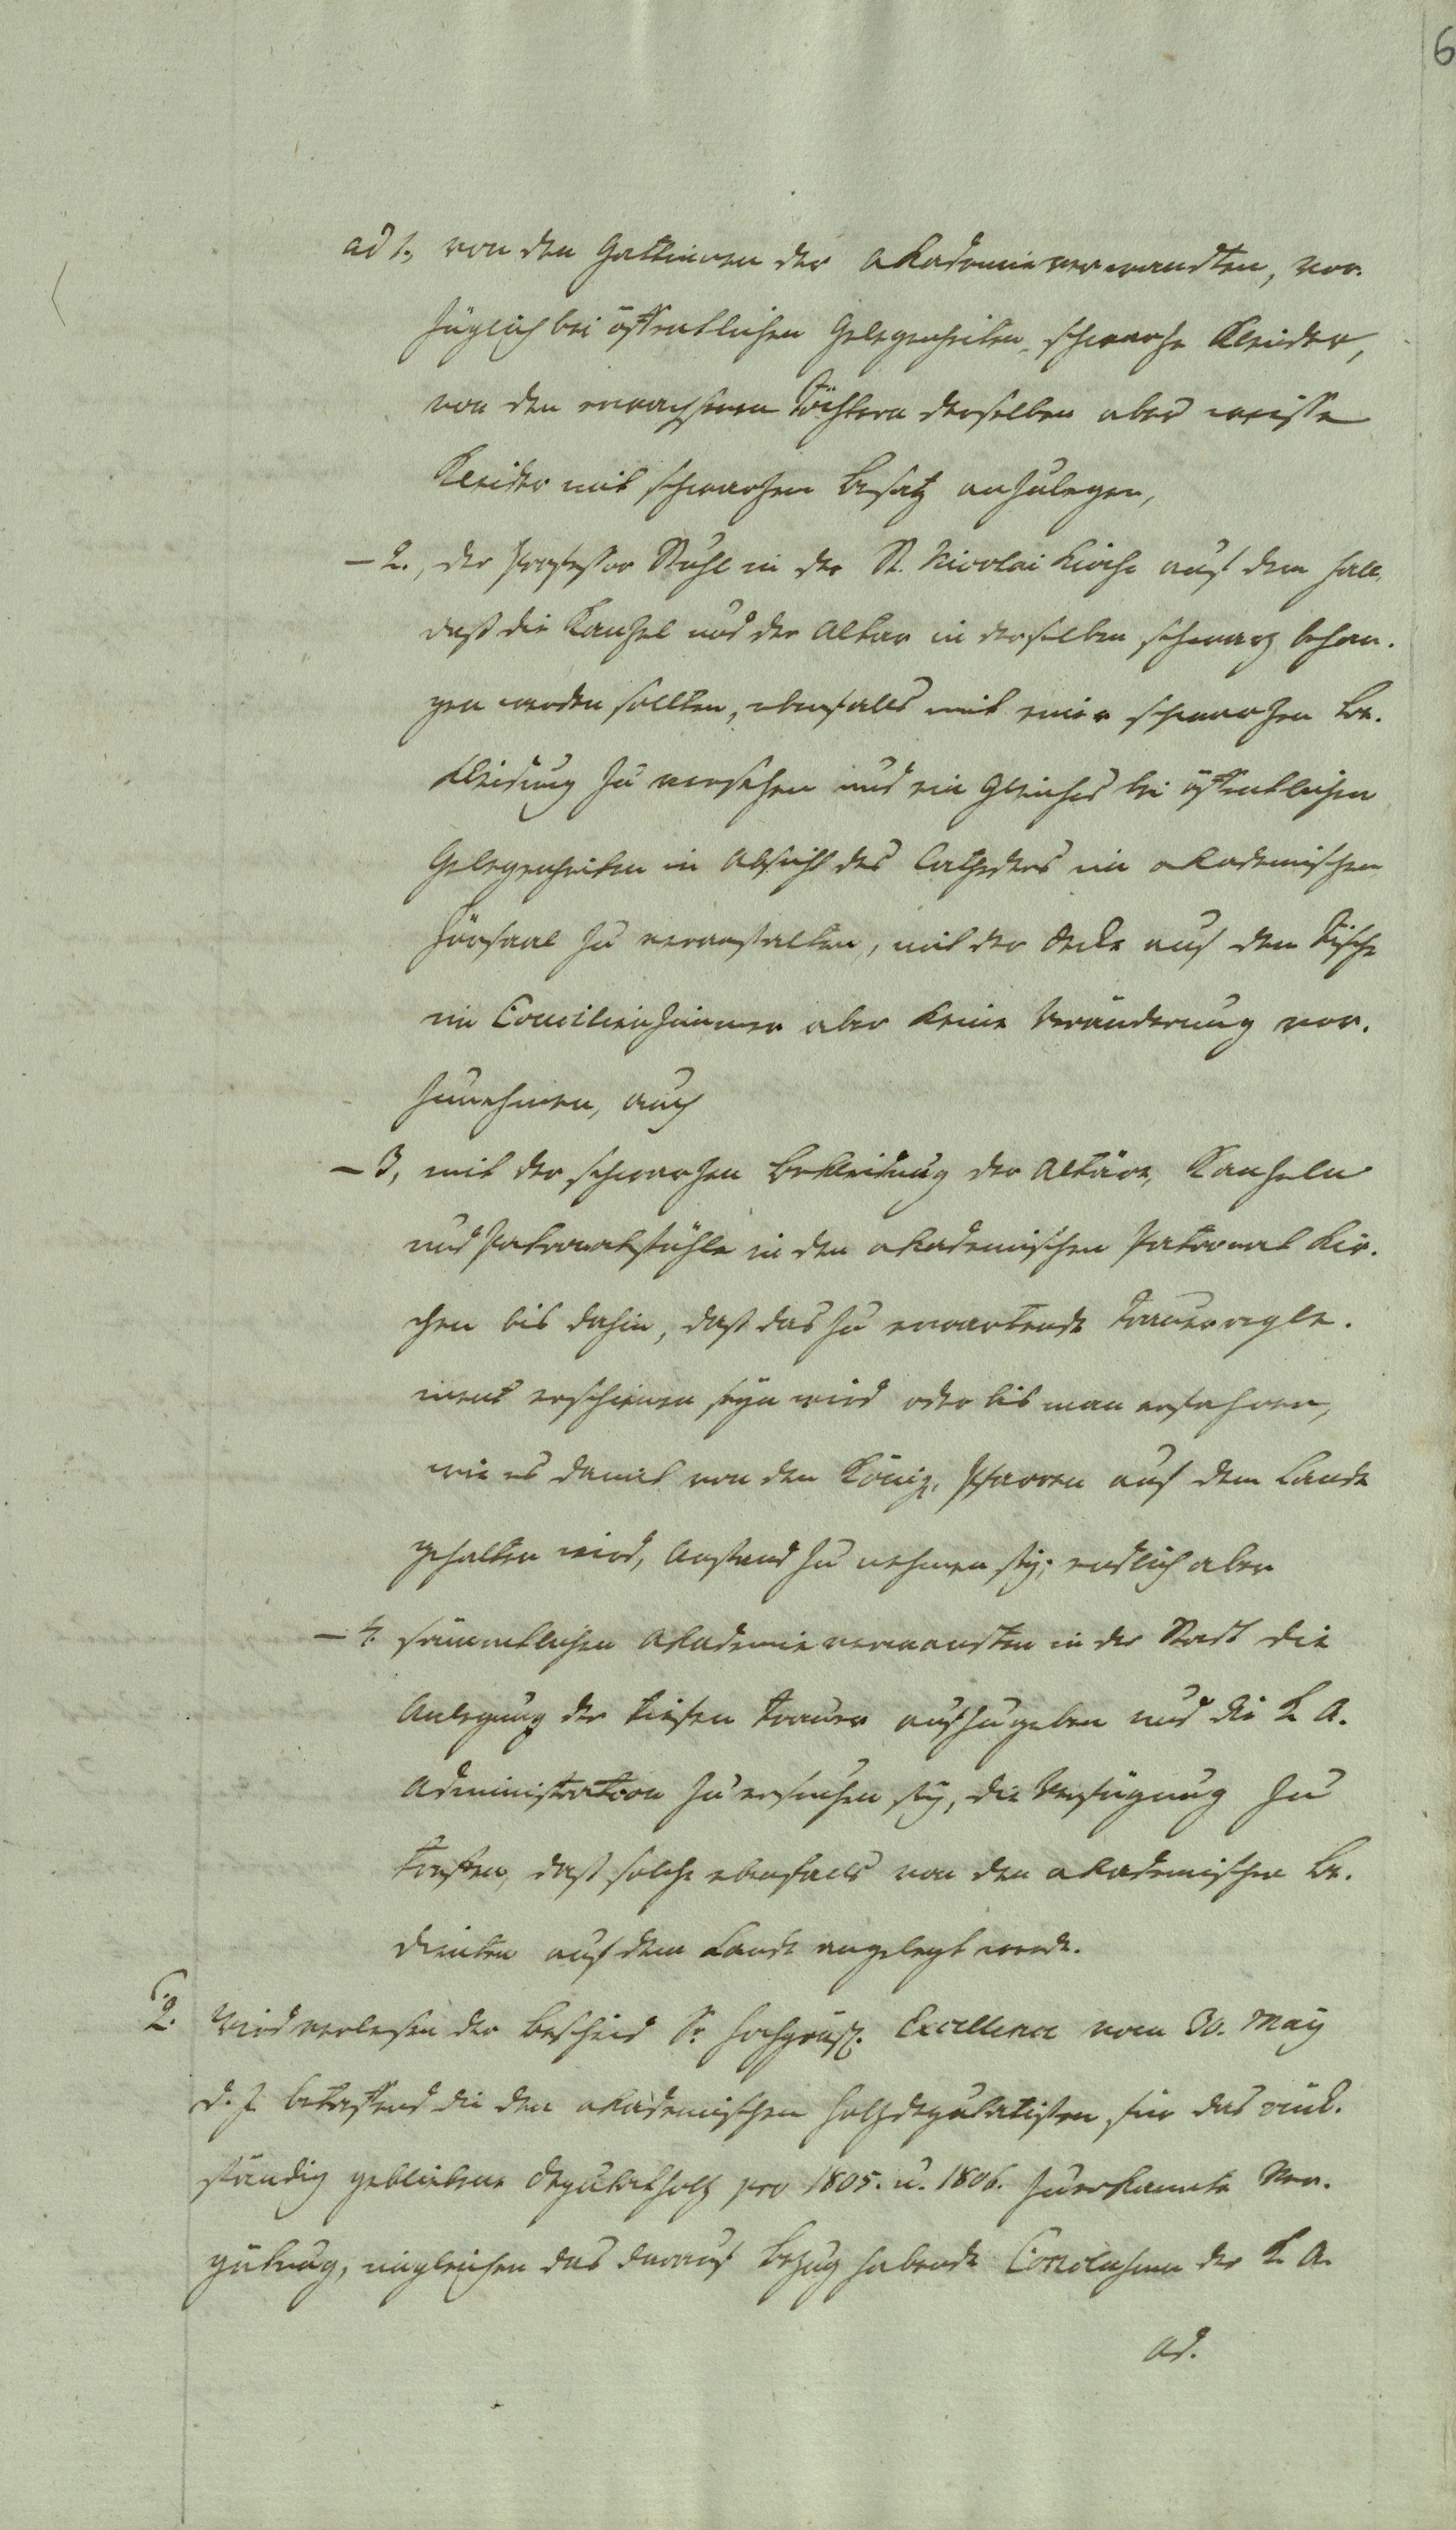ad 1. von den Gattinnen der Akademieverwandten, vor¬
züglich bei öffentlichen Gelegenheiten schwarze Kleider,
von den erwachsenen Töchtern derselben aber weiße
Kleider mit schwarzem Besatz anzulegen,
2. der Professor Stuhl in der St. Nicolai kirche auf dem Fall
daß die Kanzel und der Altar in derselben schwarz behan¬
gen werden sollten, ebenfalls mit einer schwarzen Be¬
kleidung zu versehen und ein gleiches bei öffentlichen
Gelegenheiten in Absicht des Catheders im akademischen
Hörsaal zu veranstalten, mit der Decke auf dem Tische
im Concilienzimmer aber keine Veränderung vor¬
zunehmen, auch
3. mit der schwarzen Bekleidung der Altäre, Kanzeln
und Patronatstühle in den akademischen Patronat kir¬
chen bis dahin, daß das zu erwartende Trauerregle¬
ment erschienen seÿn wird oder bis man erfahren,
wie es damit von den Königl. Pfarren auf dem Lande
gehalten wird, Anstand zu nehmen seÿ; endlich aber
4. sämmtlichen Akademieverwandten in der Stadt die
Anlegung der tiefen Trauer aufzugeben und die K. A.
Administration zu ersuchen seÿ, die Verfügung zu
trefen, daß solche ebenfalls von den akademischen Be¬
dienten auf dem Lande angelegt werde.
2. Wird verlesen der Bescheid Sr. hochgräfl. Excellence vom 30. Maÿ
d. J. betreffend den akademischen holzdeputatisten für das rück¬
ständig gebliebene Deputatholz pro 1805. u. 1806. zuerkannte Ver¬
gütung, imgleichen das darauf Bezug habende Conclusum der K. A.
Ad.